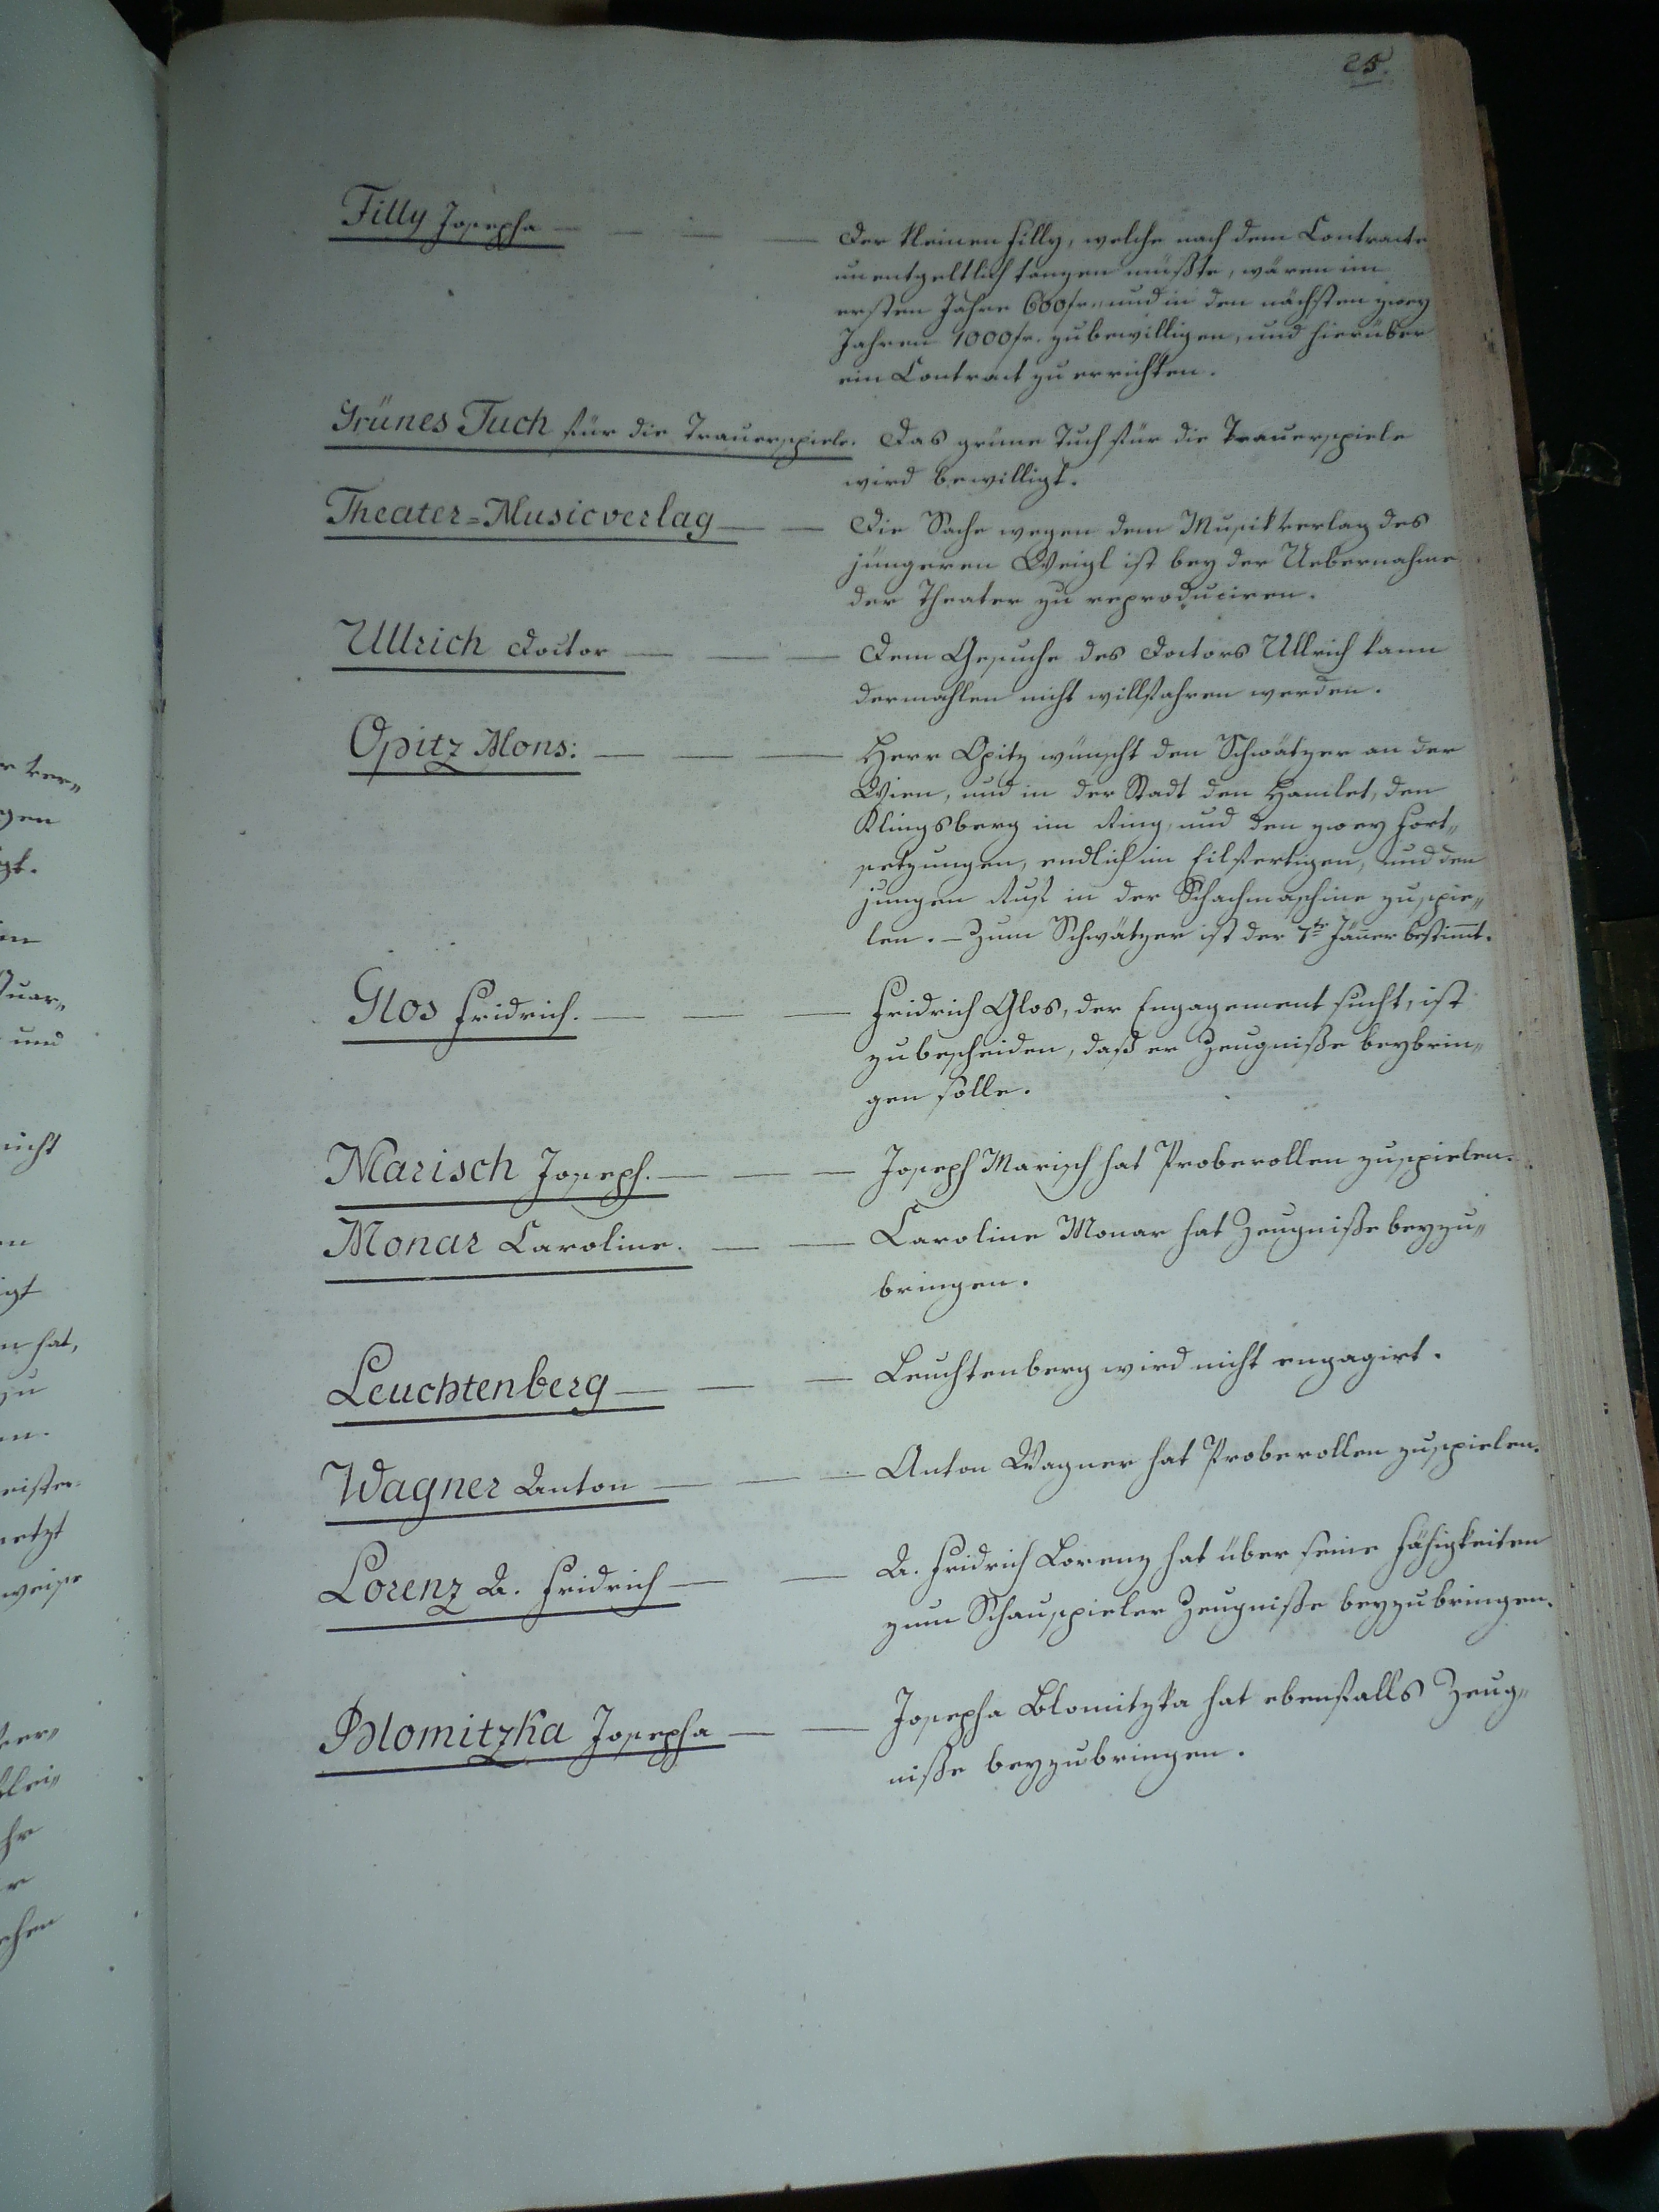25.
Filly Josepha _ _ _ _ Der kleinen Filly, welche nach dem Contracte
unentgeltlich tanzen müßte, wären im
ersten Jahre 600fr., und in den nächsten zwey
Jahren 1000fr. zubewilligen, und hierüber
ein Contract zu errichten.
Grünes Tuch für die Trauerspiele. Das grüne Tuch für die Trauerspiele
wird bewilligt.
Theater‗Musicverlag _ _ Die Sache wegen dem Musicverlag des
jüngeren Weigl ist bey der Uebernahme
der Theater zu reproduciren.
Ullrich Doctor _ _ _ Dem Gesuche des Doctors Ullrich kann
dermahlen nicht willfahren werden.
Opitz Mons: _ _ _ Herr Opitz wünscht den Schwätzer an der
Wien, und in der Stadt den Hamlet, den
Klingsberg im Ring, und den zwey Fort¬
setzungen, endlich im Eilfertigen, und den
jungen Ruf in der Schachmaschine zu spie¬
len. _ Zum Schwätzer ist der 7te Jäner bestimt.
Glos Fridrich. _ _ _ Fridrich Glos, der Engagement sucht, ist
zubescheiden, daß er Zeugniße beybrin¬
gen solle.
Marisch Joseph. _ _ _ Joseph Marisch hat Proberollen zuspielen.
Monar Caroline. _ _ Caroline Monar hat Zeugniße beyzu¬
bringen.
Leuchtenberg _ _ _ Leuchtenberg wird nicht engagirt.
Wagner Anton _ _ _ Anton Wagner hat Proberollen zuspielen.
Lorenz A. Fridrich _ _ A. Fridrich Lorenz hat über seine Fähigkeiten
zum Schauspieler Zeugniße beyzubringen.
Blomitzka Josepha _ _ Josepha Blomitzka hat ebenfalls Zeug¬
niße beyzubringen.